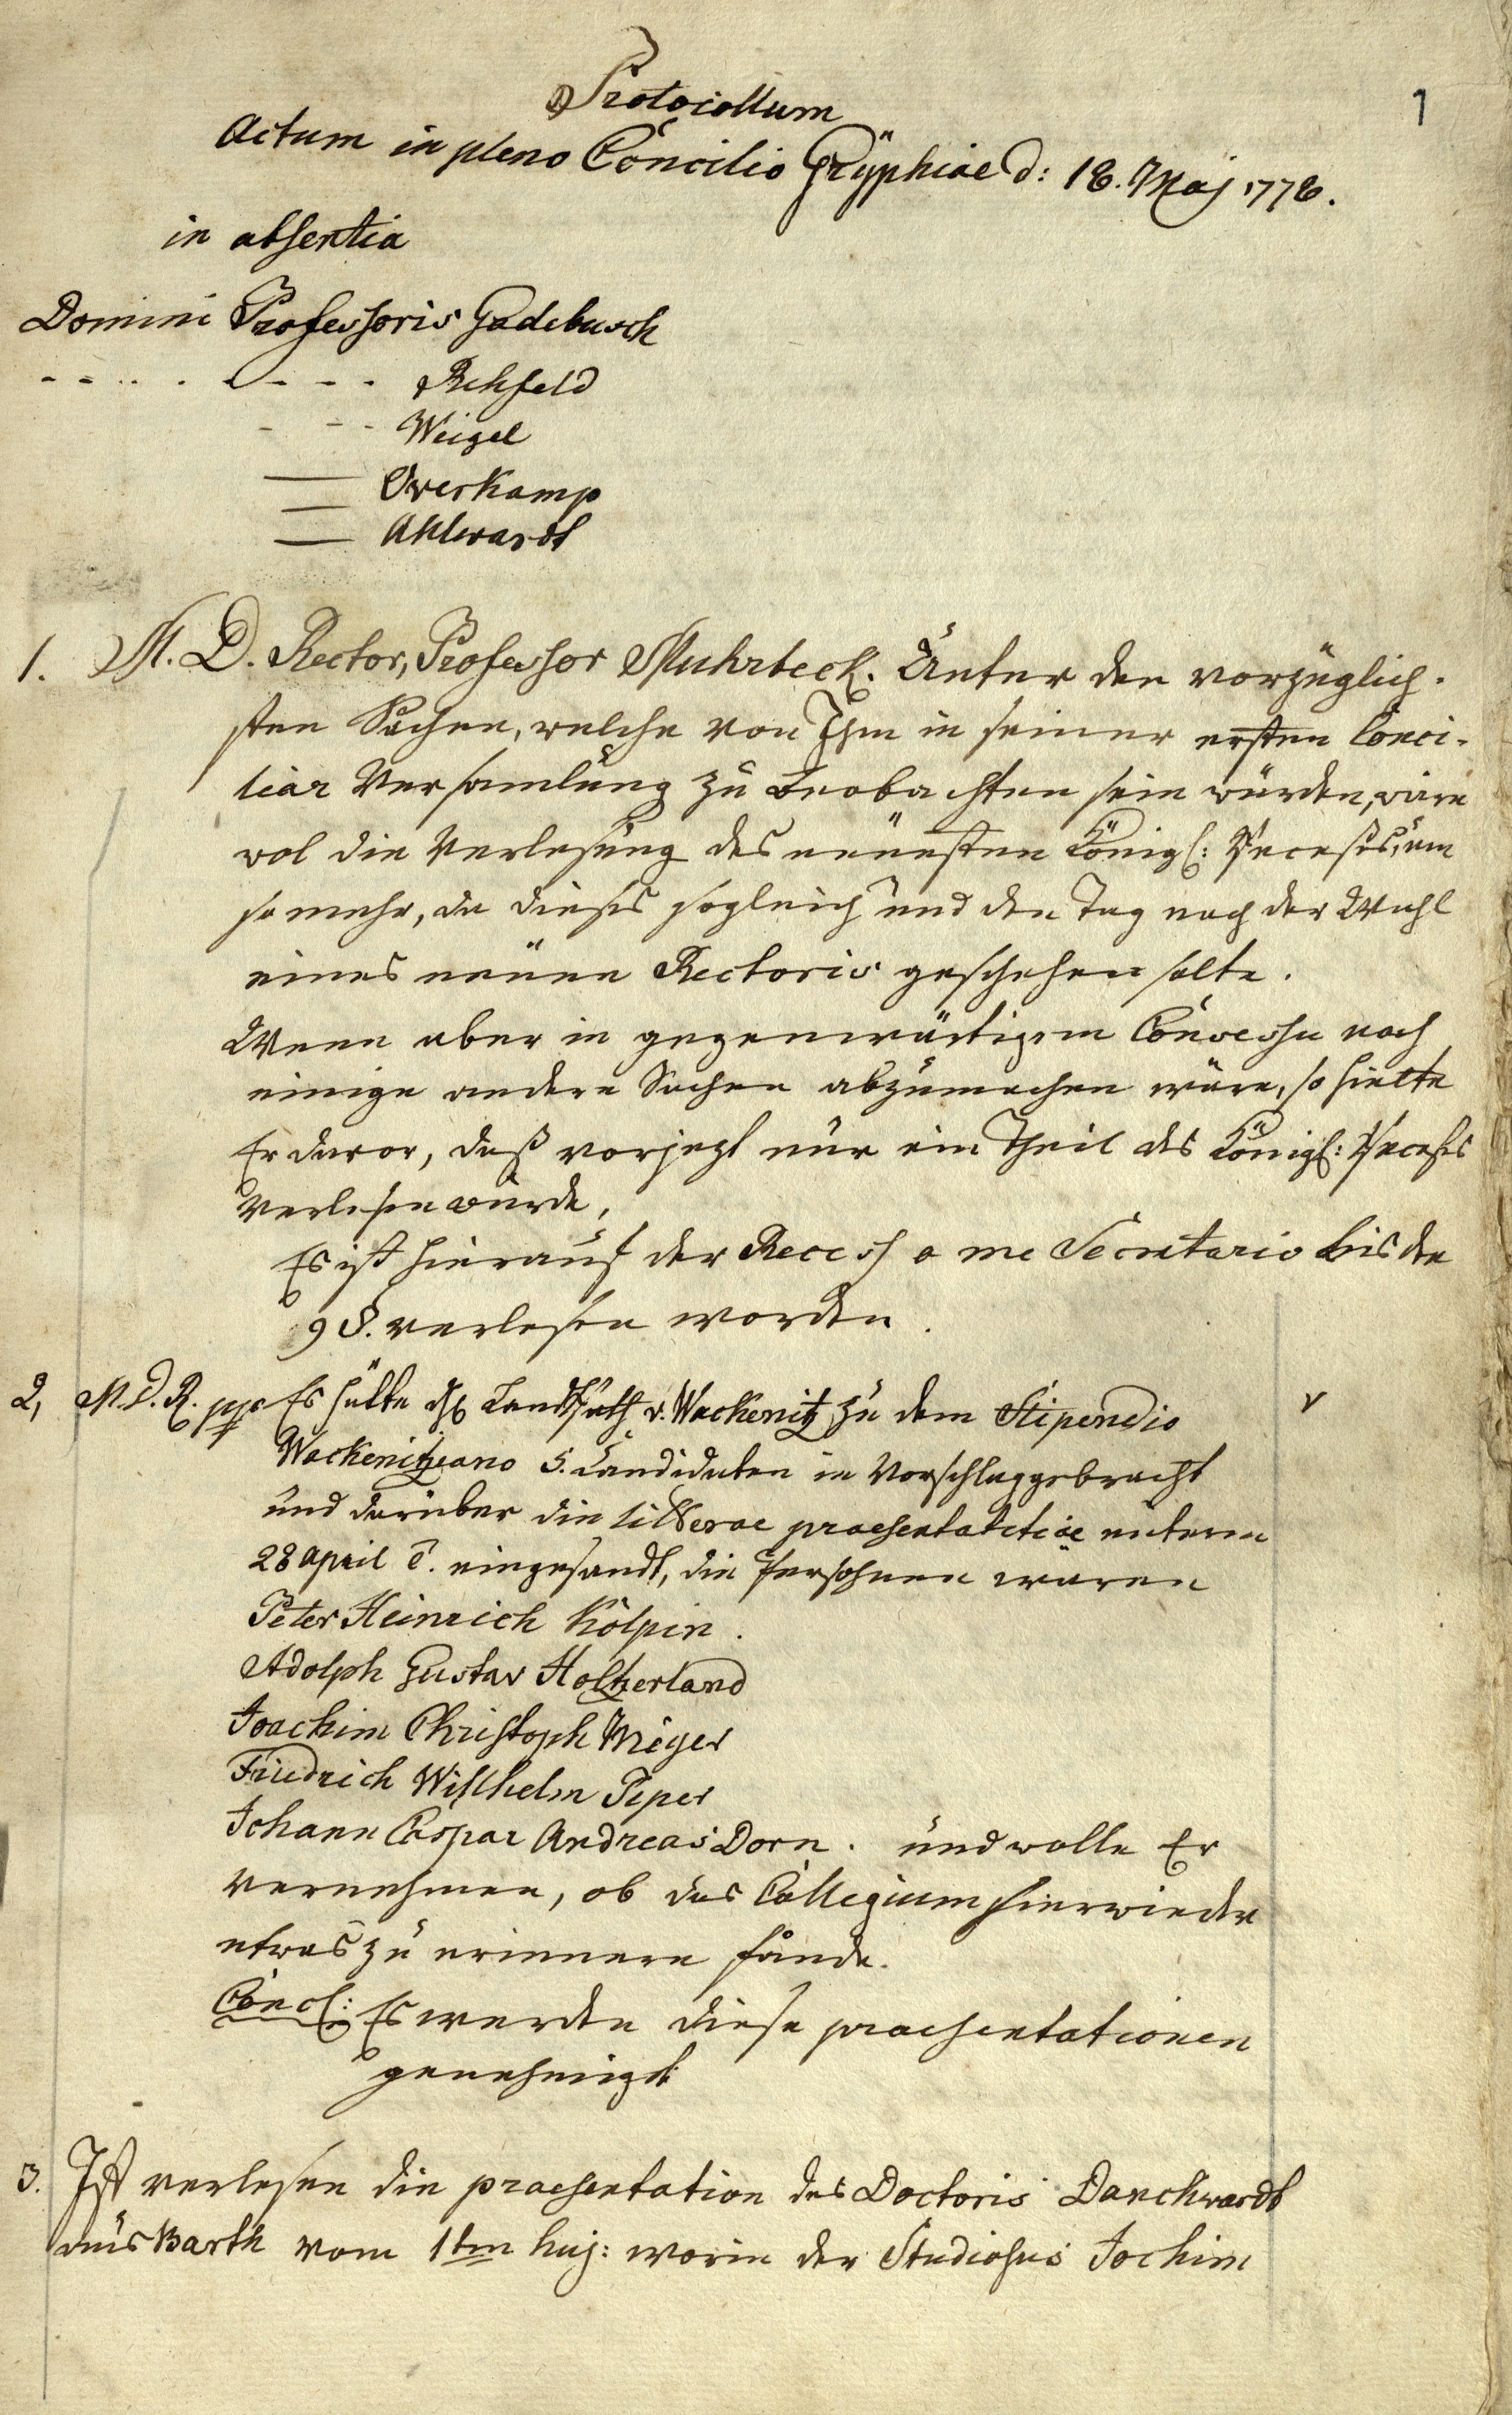Protocollum
Actum in pleno Concilio Grÿphiae d. 18. Maj 1778.
in absentia
Domini Professoris Gadebusch
Rehfeld
Weigel
Overkamp
Ahlwardt
1. M. D. Rector, Professor Muhrbeck. Unter den vorzüglich¬
sten Sachen, welche von Ihm in seiner ersten Conci¬
liar Versammlung zu beobachten sein würden, wäre
wol die Verlesung des neuesten Königl. Receßes, um
so mehr, da dieses sogleich und den Tag nach der Wahl
eines neuen Rectoris geschehen solte.
Wenn aber in gegenwärtigem Consessu noch
einige andere Sachen abzumachen wäre, so hielte
Er davor, daß vorjezt nur ein Theil des Königl. Receßes
verlesen würde.
Es ist hierauf der Recess a me Secretario bis den
9 §. verlesen worden.
2, M. D. R. ppt. Es hätte dh. LandRath v. Wackenitz zu dem Stipendio
Wackenitziano 5 Candidaten in Vorschlag gebracht
und darüber die litterae praesentatitiae unterm
28 April ê. eindesandt, die Persohnen wären
Peter Heinrich Kölpin
Adolph Gustav Holtzerland
Joachim Christoph Meyer
Friedrich Willhelm Piper
Johann Caspar Andreas Dorn. und wolle Er
vernehmen, ob das Collegium hierwieder
etwas zu erinnern fände.
Concl. Es werden diese praesentationen
genehmiget
3. Ist verlesen die praesentation des Doctoris Danckwardt
aus Barth vom 1ten huj. worin der Studiosus Jochim